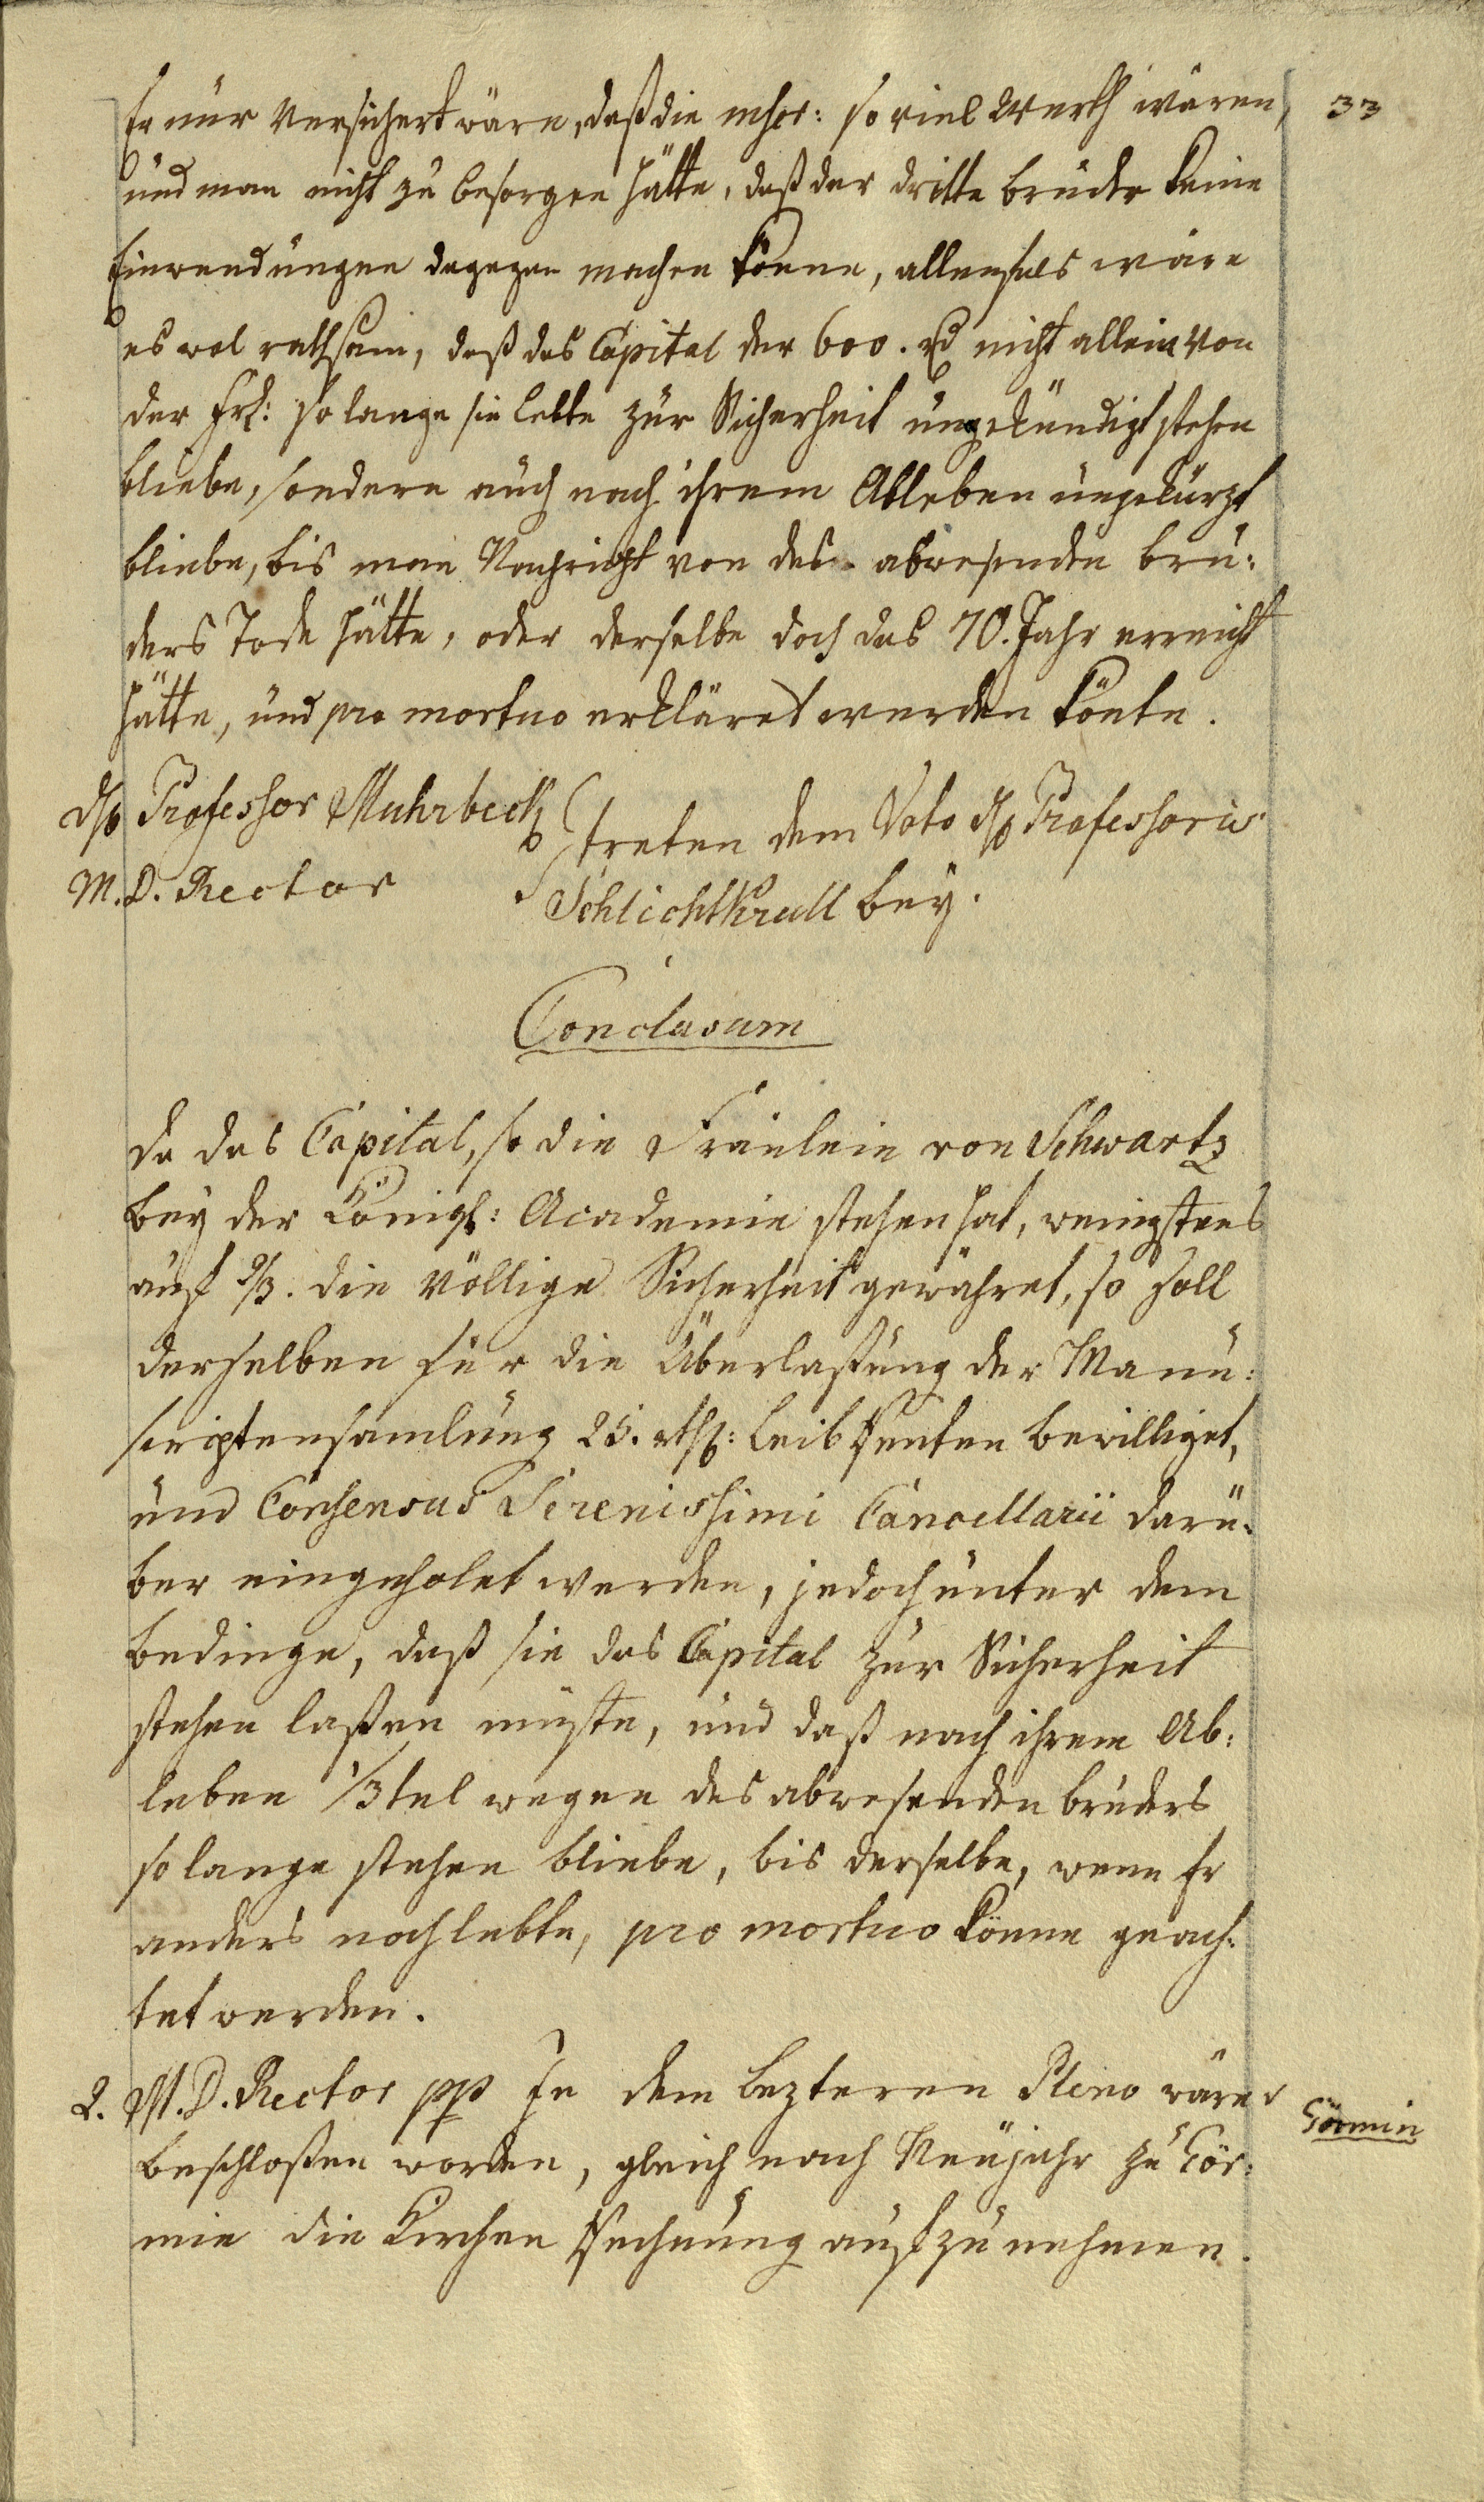Er nur versichert wäre, daß die mscr. so viel werth wären,
und man nicht zu besorgen hätte, daß der dritte Bruder keine
Einwendungen dagegen machen könne, allenfals wäre
es wohl rathsam, daß das Capital der 600 rt. nicht allein von
der Frl. so lange sie lebte zur Sicherheit ungekündigt stehen
bliebe, sondern auch nach ihrem Ableben ungekürzt
bliebe, bis man Nachricht von des abwesenden Bru¬
ders Tode hätte, oder derselbe doch das 70 Jahr erreicht
hätte, und pro mortuo erkläret werden könte.
dh Professor Muhrbeck ( treten dem Voto dh Professoris
M. D. Rector ( Schlichtkrull beÿ)
Conclusum
Da das Capital, so die Fräulein von Schwartz
beÿ der Königl. Academie stehen hat, wenigstens
auf 2/3. die völlige Sicherheit gewähret, so soll
derselben für die Überlassung der Manu¬
scriptensamlung 25 rthl. LeibRenten bewilliget,
und Consensus Seremissimi Cancellarii darü¬
ber eingeholet werden, jedoch unter dem
Bedinge, daß sie das Capital zur Sicherheit
stehen laßen müste, und daß nach ihrem Ab¬
leben 1/3 tel wegen des abwesenden Bruders
so lange stehen bliebe, bis derselbe, wenn Er
anders noch lebte, pro mortuo könne geach¬
tet werden.
2. M. D. Rector pp In dem lezteren Pleno wäre
beschloßen worden, gleich nach Neujahr zu Gör¬
min die Kirchen Rechnung aufzunehmen.